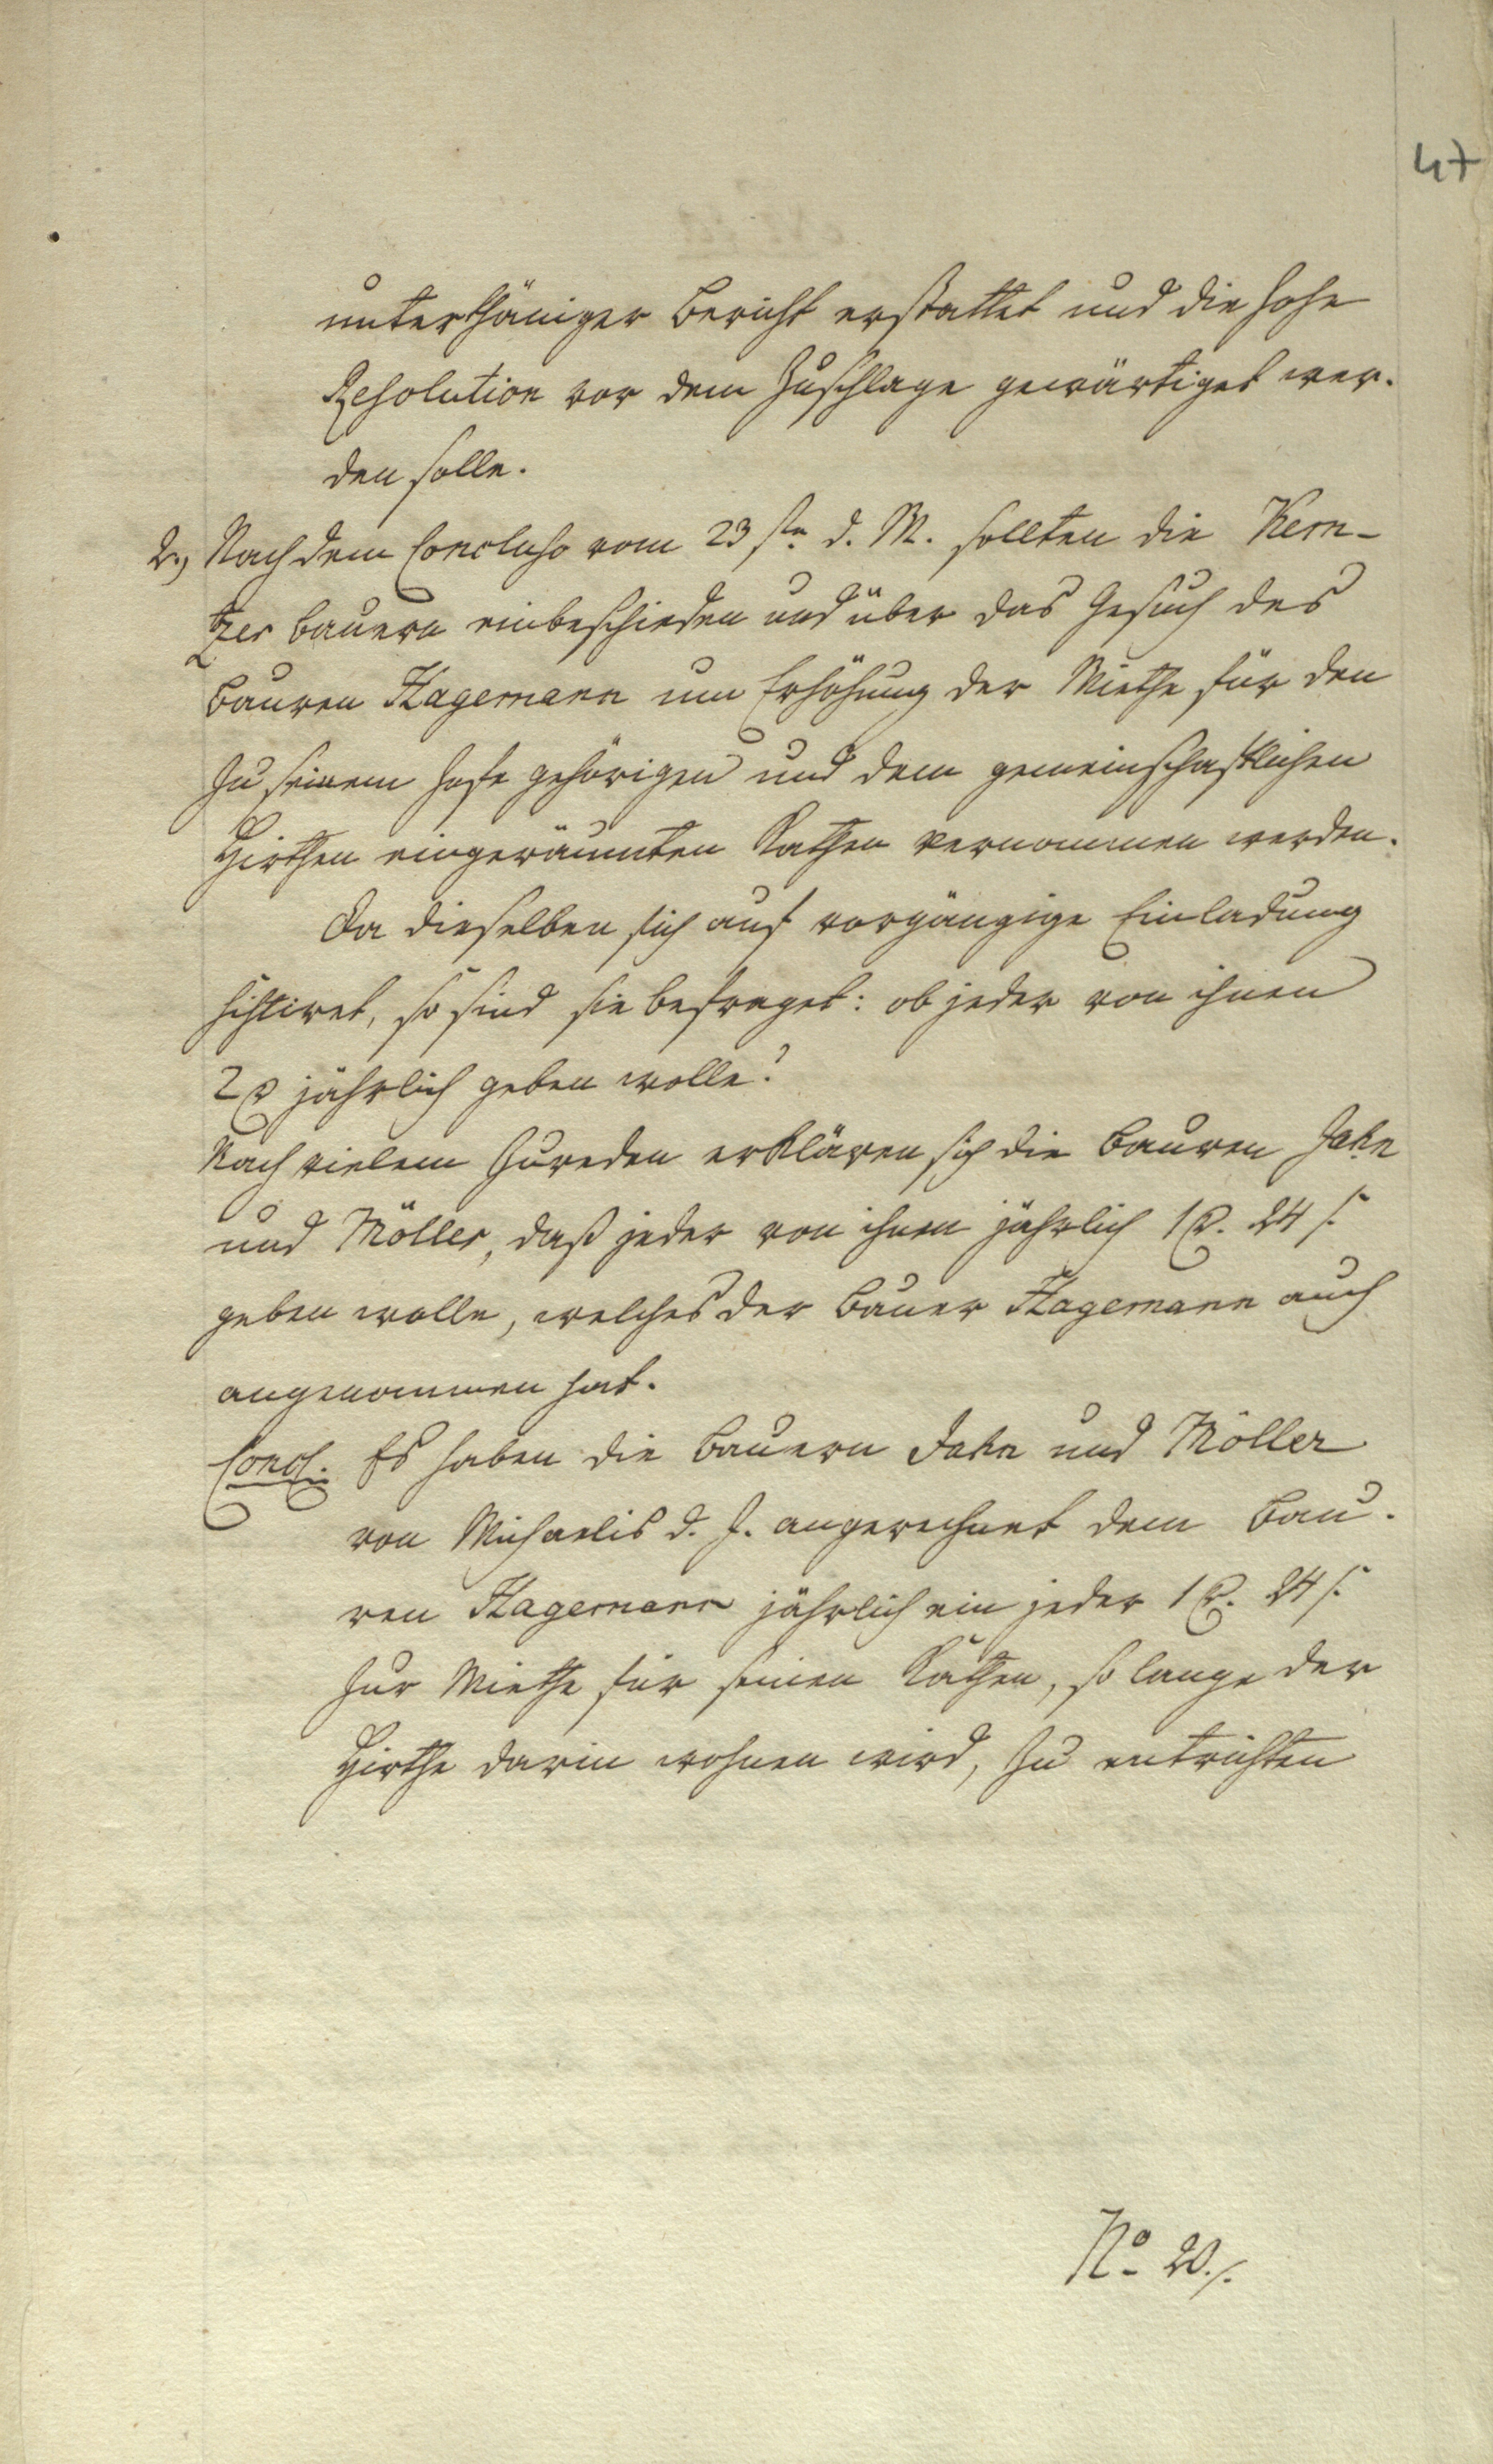unterthäniger Bericht erstattet und die hohe
Resolution vor dem Zuschlage gewärtiget wer¬
den solle.
2., Nach dem Concluso vom 23 sten d. M. sollten die Kem¬
tzer Bauern einbeschieden und über das Gesuch des
Bauren Hagemann um Erhöhung der Miethe für den
zu seinem Hofe gehörigen und dem gemeinschaftlichen
Hirthen eingeräumten Kathen vernommen werden.
Da dieselben sich auf vorgängige Einladung
sistiret, so sind sie befraget: ob jeder von ihnen
2 l. jährlich geben wolle?
Nach viele Zureden erklären sich die Bauren Jahn
und Möller, daß jeder von ihnen jährlich 1 l. 24 s.
geben wolle, welches der Bauer Hagemann auch
angenommen hat.
Concl. Es haben die Bauern Jahn und Möller
von Michaelis d. J. angerechnet dem Bau¬
ren Hagemann jährlich ein jeder 1 l. 24 s.
zur Miethe für seinen Kathen, so lange der
Hirthe darin wohnen wird, zu entrichten
No 20.